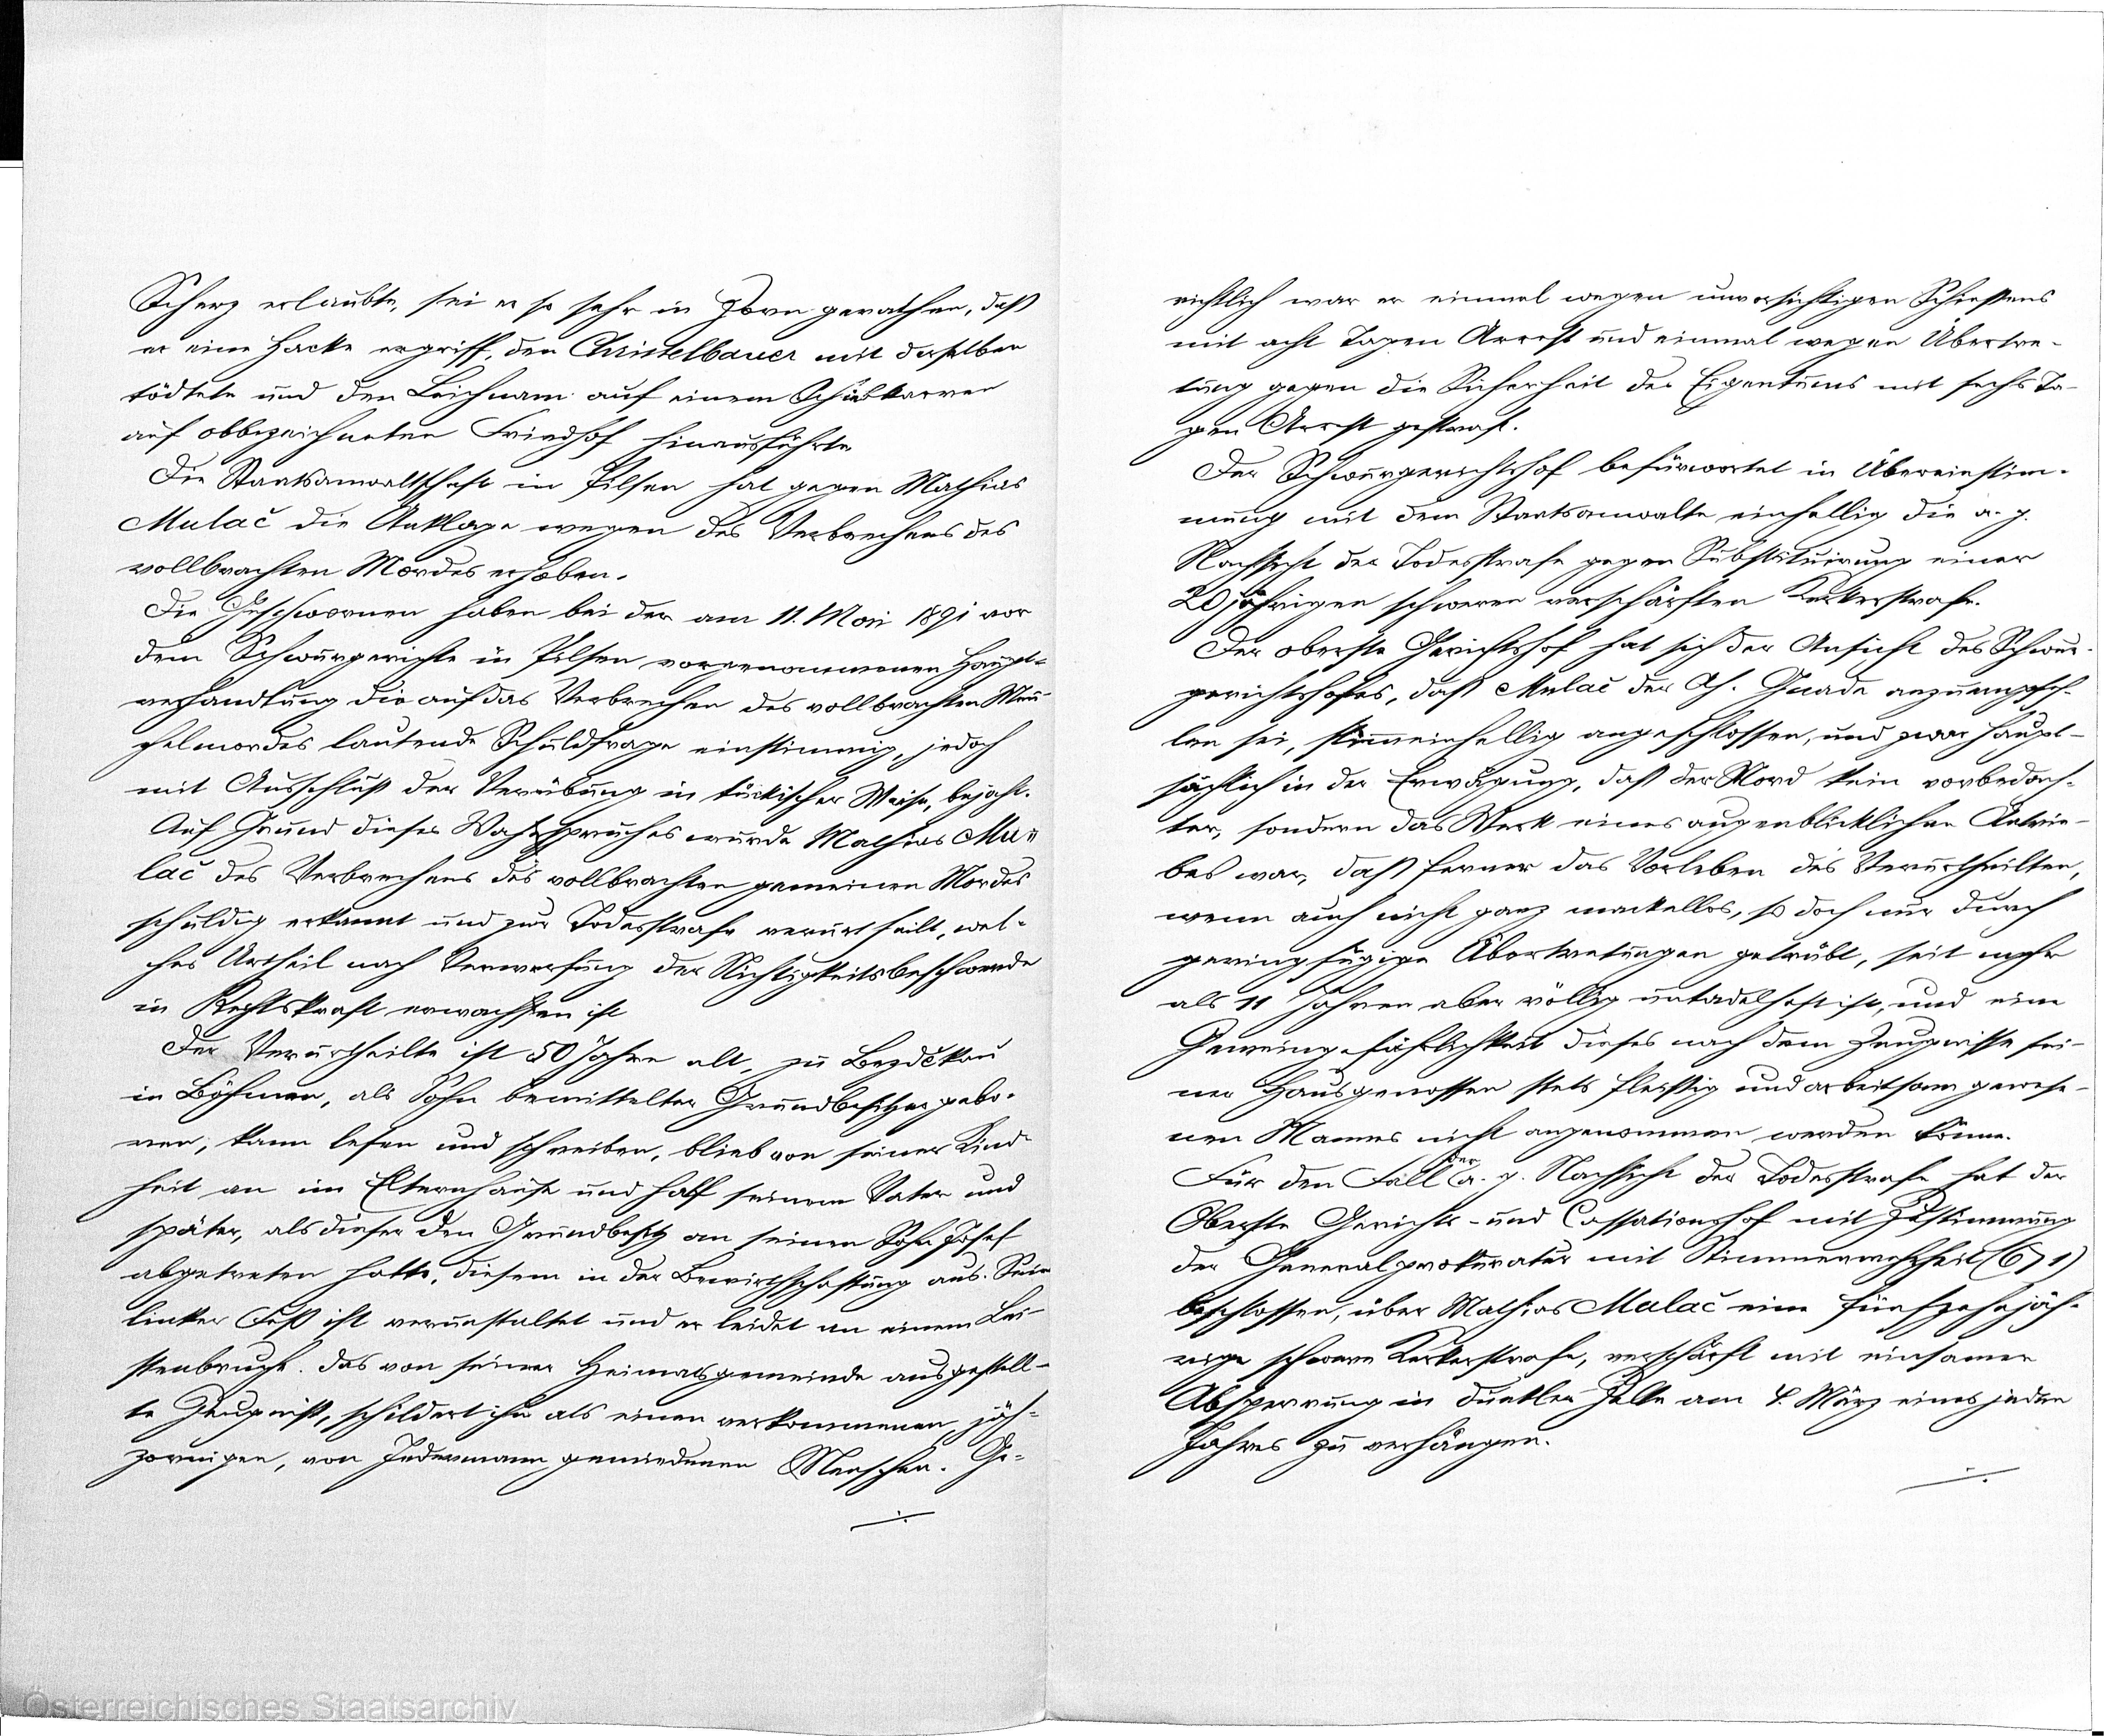Scherz erlaubte, sei er so sehr in Zorn gerathen, daß
er eine Hacke ergriff, den Christelbauer mit derselben
tödtete und den Leichnam auf einem Schubkarren
auf obbezeichneten Friedhof hierausführte.
Die Staatsanwaltschaft in Pilsen hat gegen Mathias
Mulač die Anklage wegen des Verbrechens des
vollbrachten Mordes erhoben.
Die Geschworenen haben bei der am 11. Mai 1891 vor
dem Schwurgerichte in Pilsen vorgenommenen Haupt¬
verhandlung die auf das Verbrechen des vollbrachten Meu¬
chelmordes lautende Schuldfrage einstimmig, jedoch
mit Ausschluß der Verübung in tückischer Weise, bejaht.
Auf Grund dieses Wahrspruches wurde Mathias Mu¬
lač des Verbrechens des vollbrachten gemeinen Mordes
schuldig erkannt und zur Todesstrafe verurtheilt, wel¬
ches Urtheil nach Verwerfung der Nichtigkeitsbeschwerde
in Rechtskraft erwachsen ist.
Der Verurtheilte ist 50 Jahre alt, zu Bezděkau
in Böhmen, als Sohn bemittelter Grundbesitzer gebo¬
ren; kann lesen und schreiben, blieb von seiner Kind¬
heit an im Elternhause und half seinem Vater und
später, als dieser den Grundbesitz am seiner Sohn Josef
abgetreten hatte, diesem in der Bewirthschaffung aus. Sein
linker Fuß ist verunstaltet und er leidet an einem Lei¬
stenbruche. Das von seiner Heimatsgemeinde ausgestell¬
te Zeugniß, schildert ihn als einen verkommenen jäh¬
zorniger, von Jedermann gemiedenen Menschen. Ge¬
richtlich war er einmal wegen unvorsichtigen Schießens
mit acht Tagen Arrest und einmal wegen Übertre¬
tung gegen die Sicherheit des Eigentums mit sechs Ta¬
gen Arrest gestraft.
Der Schwurgerichtshof befürwortet in Übereinstim¬
mung mit dem Staatsanwalt einhellig die a.g.
Nachsicht der Todesstrafe gegen Substituirung einer
20jährigen schweren verschärften Kerkerstrafe.
Der oberste Gerichtshof hat sich der Ansicht des Schwur¬
gerichtshofes, daß Mulač der Ah. Gnade anzuempfeh¬
len sei, stimmeinhellig angeschlossen, und zwar Haupt¬
sächlich in der Erwägung, daß der Mord kein vorgedach¬
ter, sondern das Werk eines augenblicklichen Antrie¬
bes war, daß ferner das Vorleben das Verurtheilten,
wenn auch nicht ganz mackellos, so doch nur durch
geringfügige Übertretungen getrübt, seit mehr
als 11 Jahren aber völlig untadelhaft ist, und eine
Gemeingefährlichkeit dieses nach dem Zeugnisse sei¬
ner Hausgenossen stets fleißig und arbeitsame gewese¬
nen Mannes nicht angenommen werden könne.
der
Für den Fall a.g. Nachsicht des Todesstrafe hat der
Oberste Gerichts- und Cassationshof mit Zustimmung
der Generalprokuratur mit Simmenmehrheit (6>1)
beschlossen, über Mathias Mulač eine fünfzehnjäh¬
rige schweren Kerkerstrafe, verschärft mit einsamen
Absperrung in dunkler Zelle am 4. März eines jeden
Jahres zu verhängen.